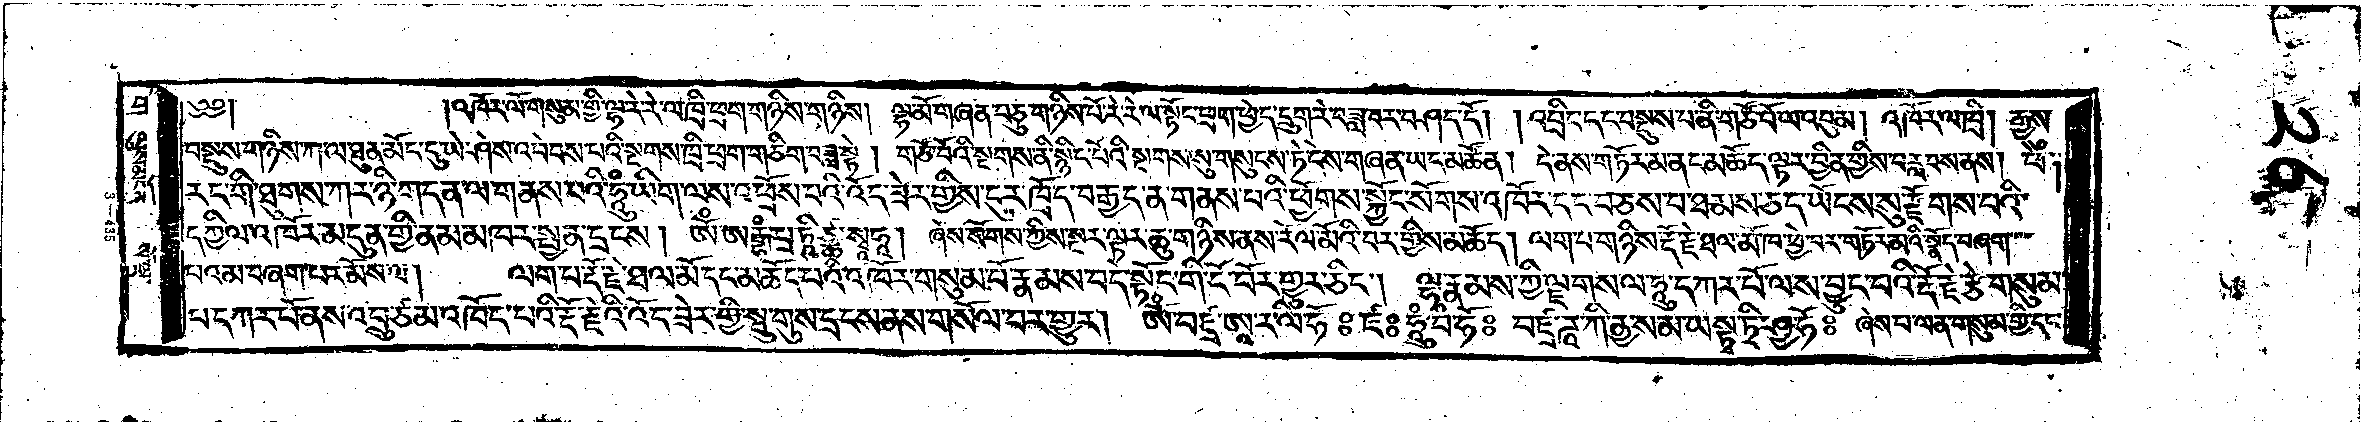༄༅། །འཁོར་ལོ་གསུམ་གྱི་ལྷ་རེ་རེ་ལ་ཁྲི་ཕྲག་གཉིས་གཉིས། ལྷ་མོ་གཞན་བཅུ་གཉིས་པོ་རེ་རེ་ལ་སྟོང་ཕྲག་ཕྱེད་དྲུག་རེ་བཟླ་བར་བཤད་དོ། །འབྲིང་དང་བསྡུས་པ་ནི་གཙོ་བོ་ལ་འབུམ། འཁོར་ལ་ཁྲི། རྒྱས་
བསྡུས་གཉིས་ཀ་ལ་ཐུན་མོང་དུ་ཡེ་ཤེས་འབེབས་པའི་སྔགས་ཁྲི་ཕྲག་གཅིག་བཟླ་སྟེ། གཙོ་བོའི་སྔགས་ནི་སྙིང་པོའི་སྔགས་སུ་གསུངས་ཏེ་དེས་གཞན་ཡང་མཚོན། དེ་ནས་གཏོར་མ་ནང་མཆོད་ལྟར་བྱིན་གྱིས་བརླབས་ནས། ཕཻཾ༑
རང་གི་ཐུགས་ཀར་ཉི་གདན་ལ་གནས་པའི་ཧཱུཾ་ཡིག་ལས་འཕྲོས་པའི་འོད་ཟེར་གྱིས་དུར་ཁྲོད་བརྒྱད་ན་གནས་པའི་ཕྱོགས་སྐྱོང་སོགས་འཁོར་དང་བཅས་པ་ཐམས་ཅད་ཡོངས་སུ་རྫོགས་པའི་
དཀྱིལ་འཁོར་མདུན་གྱི་ནམ་མཁར་སྤྱན་དྲངས། ཨོཾ་ཨརྒྷཾ་པྲཏཱི་ཙྪ་སྭཱཧཱ། ཞེས་སོགས་ཀྱིས་སྔར་ལྟར་ཆུ་གཉིས་ནས་རོལ་མོའི་བར་གྱིས་མཆོད། ལག་པ་གཉིས་རྡོ་རྗེ་ཐལ་མོ་ཁ་ཕྱེ་བར་གཏོར་མའི་སྣོད་བཞག་
བའམ་བཞག་པར་མོས་ལ། ལག་པ་རྡོ་རྗེ་ཐལ་མོ་དང་མཆོད་པའི་འཁོར་གསུམ་པོ་རྣམས་བདེ་སྟོང་གི་ངོ་བོར་གྱུར་ཅིང་། ལྷ་རྣམས་ཀྱི་ལྗ་གསལ་ཧཱུ་དཀར་པོ་ལས་བྱུང་བའི་རྡོ་རྗེ་རྩེ་གསུམ་
པ་དཀར་པོ་ནས་འབྲུ་ཙམ་འཁོད་པའི་རྡོ་རྗེའི་འོད་ཟེར་གྱི་སྤུ་གུས་དྲངས་ནས་གསོལ་བར་གྱུར། ཨོཾ་བཛྲ་ཨཱ་ར་ལི་ཧོཿཛཿཧཱུཾ་བཾ་ཧོཿབཛྲ་ཌཱ་ཀི་ནྱ་ས་མ་ཡ་སྟྭ་ཏྲི་ཤྱཧོཿཞེས་པ་ལན་གསུམ་གྱི་དང་